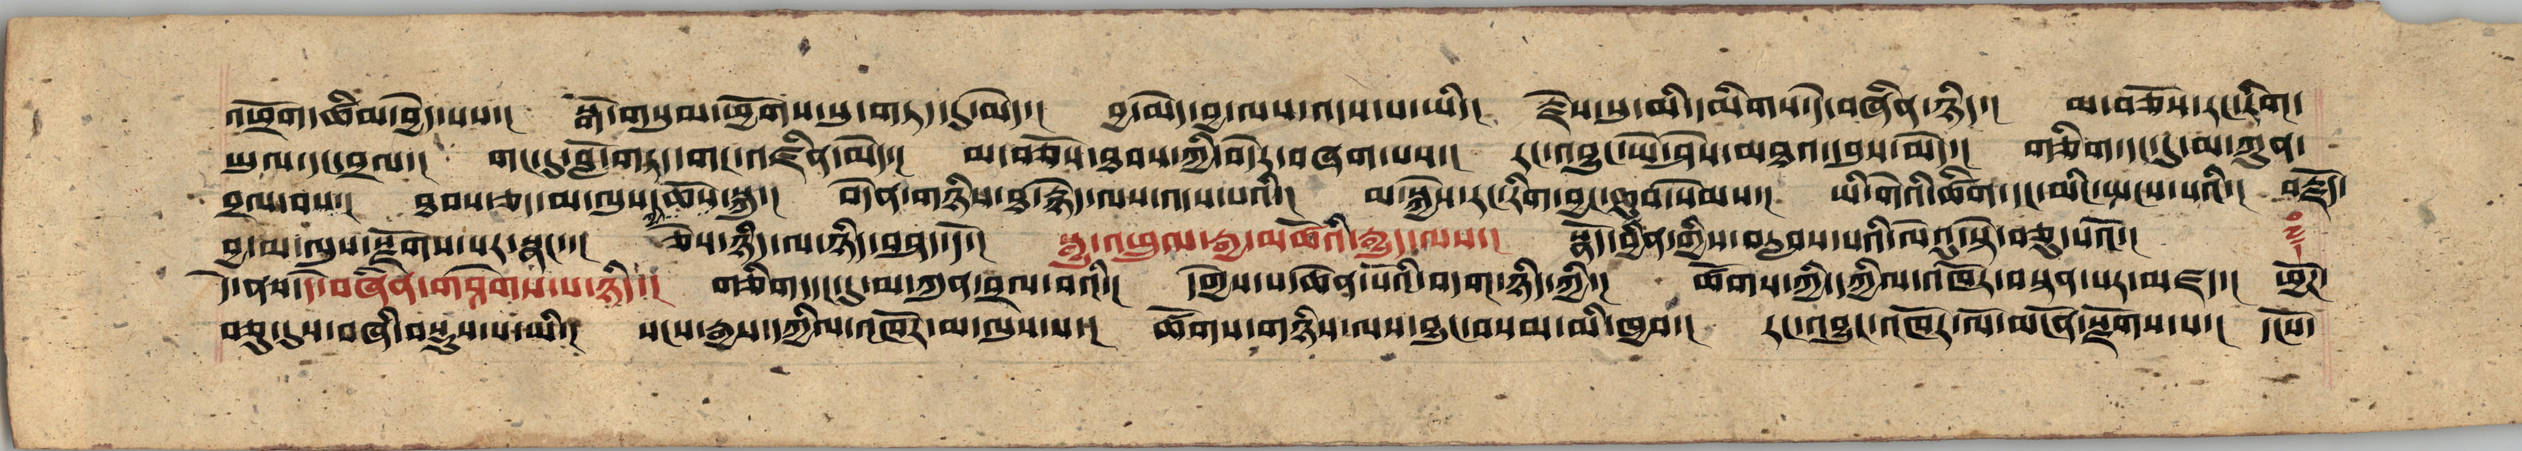འཕྲོག་ཚིམ་བྱེད་པས་། སྒོ་གསུམ་ཕྱོགས་སུ་གཏད་དུ་མེད་། བྱ་མེད་བྱ་ལས་འདས་པ་ཡིད་། རྗེས་སུ་མི་དམིགས་དེ་བཞིན་ཉིད་། མ་བཅོས་རང་རིག་
ཡུལ་དང་བྲལ་།། གང་དུ་བློ་གཏད་གང་འཛིན་མེད་། མ་བཅོས་ཐབས་ཀྱི་བདེར་བཞག་པས་། རང་འབྱུང་ཡེ་ཤེས་མཐའ་དབུས་མེད་། གཅིག་དང་དུ་མ་ཀུན་
བྲལ་བས་། ཐབས་ཅད་མ་ལུས་ཆོས་ཀྱི་སྐུ་། བདེན་གཉིས་ཐ་སྙེད་ལས་འདས་པའི་། མ་སྐྱེས་རང་རིག་བྱང་ཆུབ་སེམས་། ཡི་གེའི་ཚིག་དང་མིང་སྤངས་པའི་། བརྗོད་
བྱ་མ་ལུས་སྫོགས་པར་སྣང་་། ཅེས་ཉིད་ལ་ཉིད་བཤད་དོ་། སྒྱུ་འཕྲུལ་རྒྱ་མཚོའི་རྒྱུད་ལས་། སྣོད་བྱིན་གྱིས་བརླབས་པའི་ལེའུ་སྟེ་བཅུ་པའོ་། ࿑ཾ
དེ་ནས་དེ་བཞིན་གཤེགས་པ་ཉིད་། གཅིག་དང་དུ་མ་ཀུན་བྲལ་བའི་། དགྱེས་པ་ཆེན་པོའི་བདག་ཉིད་ཀྱི་། ཚོགས་ཀྱི་དཀྱིལ་འཁོར་བསྟན་པར་མཛད་། ཕྱོཌ་
བཅུ་དུས་བཞི་བསྡུས་པ་ཡི་། སངས་རྒྱས་དཀྱིལ་འཁོར་མ་ལུས་པ་། ཚོགས་གཉིས་ལས་བྱུང་བསམ་མི་ཁྱབ་། རང་འབྱུང་འཁོར་ལོ་མངོན་སྫོགས་པ་། དངོས་